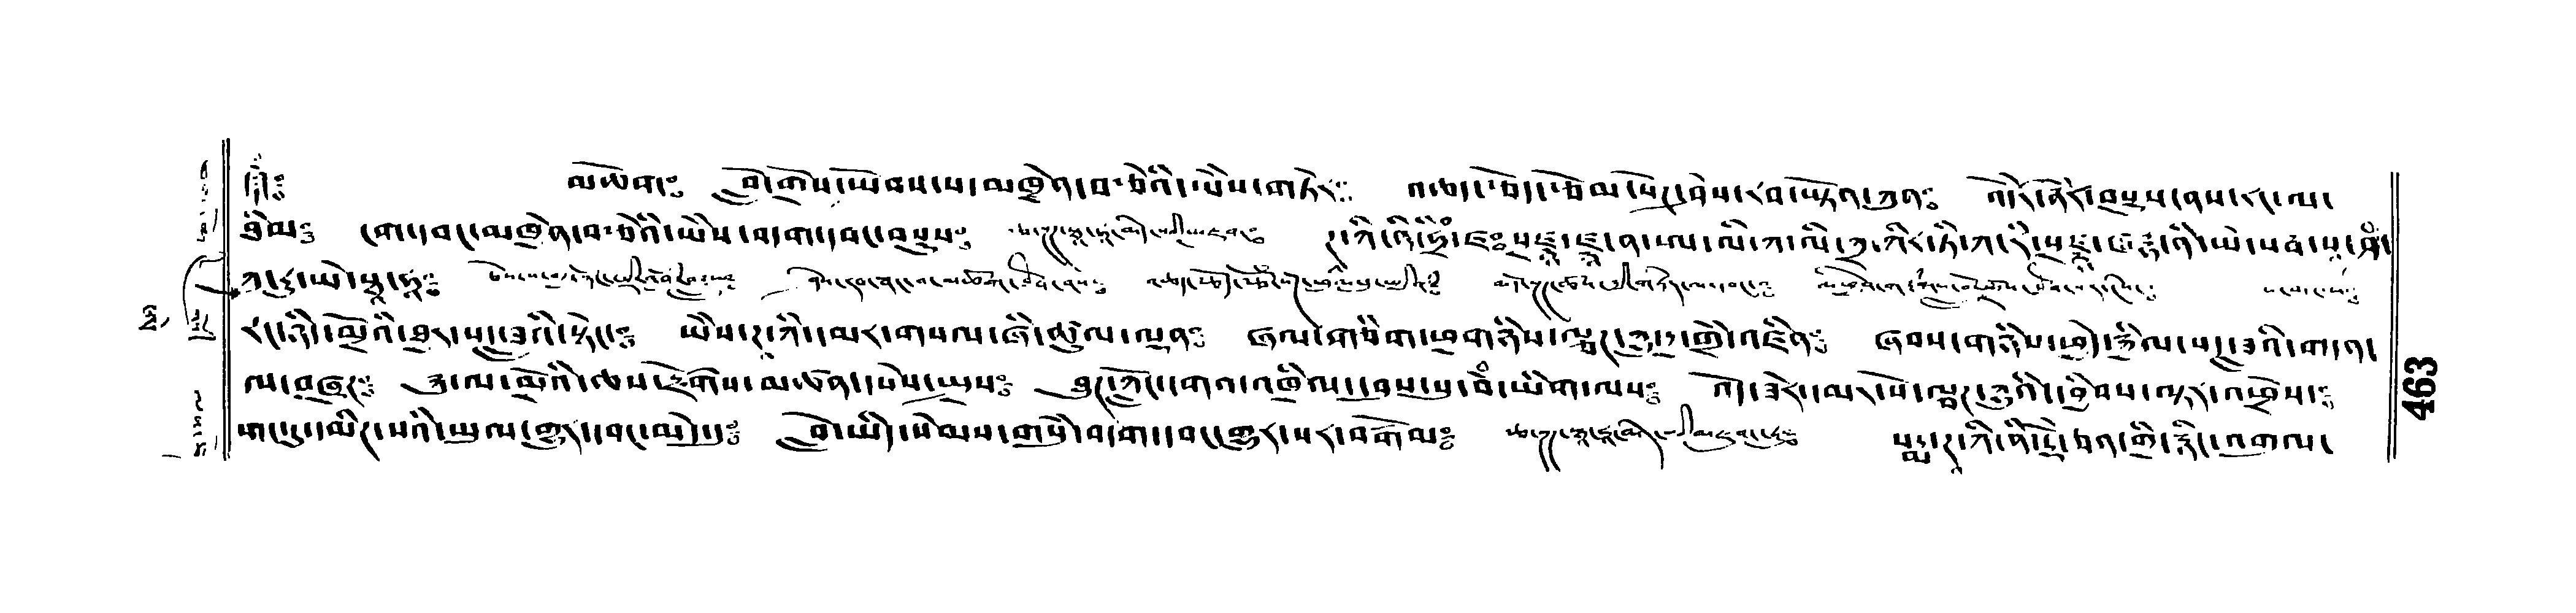མཆོག༔ བློ་གྲོས་སྤོབས་པ་མཁྱེན་བརྩེའི་ཡེ་ཤེས་གཏེར༔ འཆད་རྩོད་རྩོམ་སོགས་ཤེས་རབ་ཡོན་ཏན་ཀུན༔ འོད་ཟེར་རྣམ་པར་བསྡུས་ནས་རང་ལ་
ཐིམ༔ ངག་དབང་མཁྱེན་བརྩེའི་ཡེ་ཤེས་བདག་དབང་བསྡུས༔ རྩ་སྔགས་སྭཱ་ཧཱ་མེད་པའི་མཇུག༔ ཌཱ་ཀི་ནི་ཧྲཱིཾ་ཛཿཔྲཛྙཱ་ཛྙཱ་ན་ཨ་ལི་ཀ་ལི་ཀྲ་ཀིར་ཏི་ཀ་རི་པྲཛྙཱ་ཝརྡྷ་ནི་ཡེ་སརྦ་པཱ་ཤཾ་
ཀུ་རུ་ཡེ་སྭཱ་ཧཱ༔ ཅེས་པ་བརྒྱ་སྟོང་ཁྲི་འབུམ་བཟླས༔ཤེས་རབ་སྣང་བ་མཆོག་ཐོབ་ནས༔ འཆད་རྩོད་རྩོམ་སོགས་ཕུལ་དུ་ཕྱིན༔ མདོ་སྔགས་ཆོས་ཀྱི་གཏེར་ལ་དབང༔ མཁྱེན་གཟིགས་བློ་གྲོས་ཐོབ་པར་ངེས༔ ས་མ་ཡ༔
རང་ཉིད་མཁའ་འགྲོའི་ཐུགས་ཀར་པད་ཟླའི་སྟེང༔ ཡེ་ཤེས་ཌཱ་ཀི་དམར་གསལ་ཞི་ཚུལ་ལྡན༔ ཞལ་གཅིག་ཕྱག་གཉིས་ལྕགས་ཀྱུ་རྒྱ་གྲམ་འཛིན༔ ཞབས་གཉིས་ཕྱེད་སྐྱིལ་པད་ཟླའི་གདན་
ལ་བཞུགས༔ སྐུ་ལ་མཁའ་འགྲོའི་ཆས་རྫོགས་མཚན་དཔེས་སྤྲས༔ ཐུགས་ཀློང་དགའ་འཁྱིལ་དབུས་སུ་བྃ་ཡིག་ལས༔ འོད་ཟེར་དམར་པོ་ལྕགས་ཀྱུའི་དབྱིབས་ལྟར་འཕྲོས༔ 
གང་དུ་དམིགས་པའི་ཡུལ་གྱུར་དབང་མེད་དུ༔ བློ་ཡིད་སེམས་གསུམ་བདག་དབང་གྱུར་པར་བསྒོམ༔ རྩ་སྔགས་སྭཱ་ཧཱ་མེད་པའི་མཇུག་ཏུ༔ པདྨ་ཌཱ་ཀི་ནི་རྡོ་རྗེ་ཅན་གྱི་སྙིང་འགུལ་